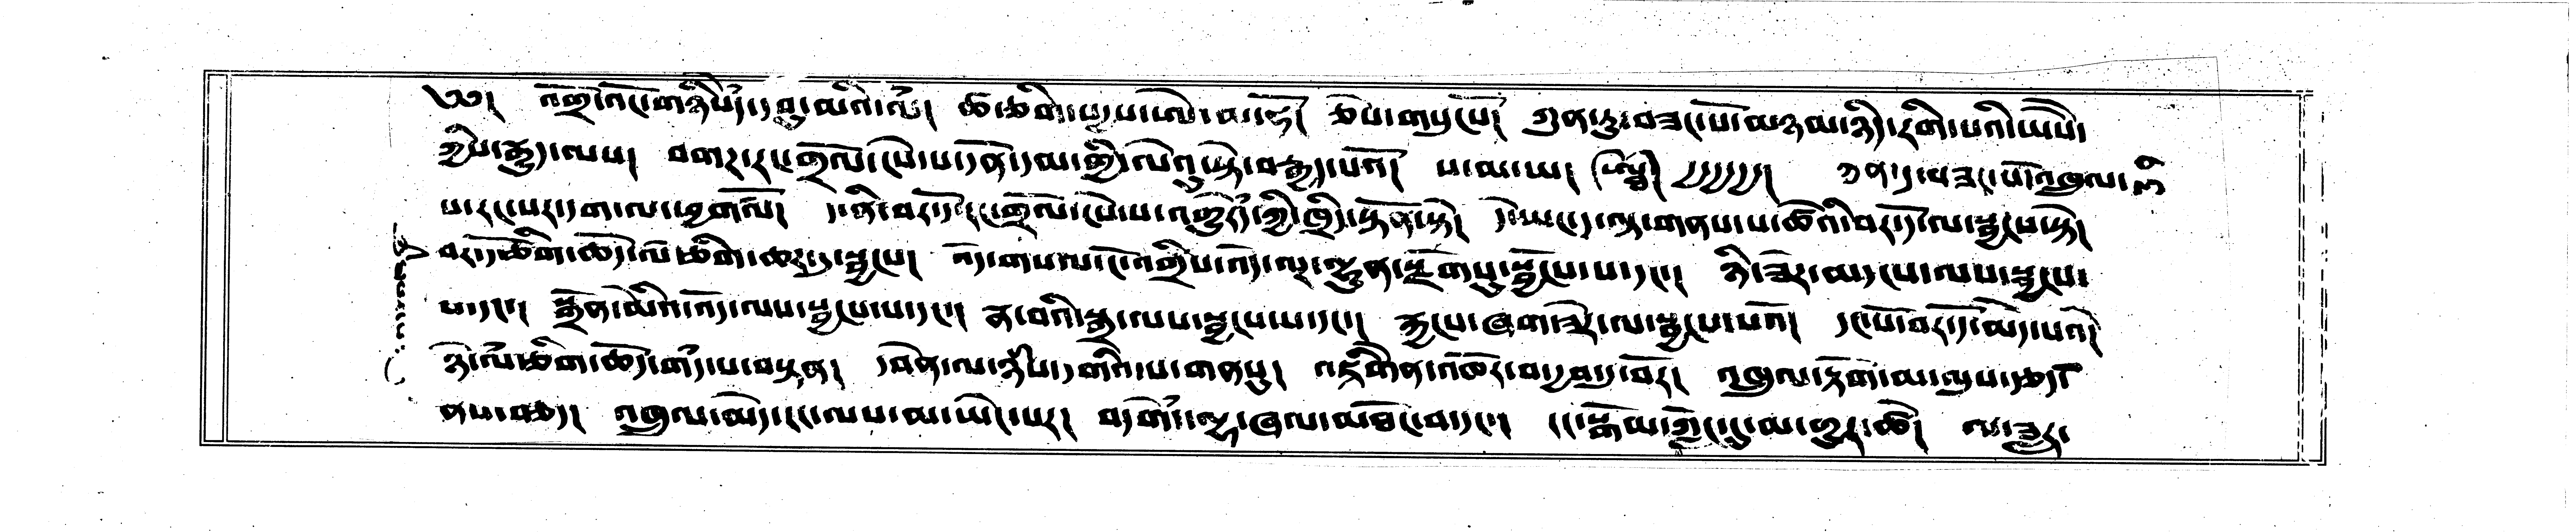འགྲོ་འོང་གཉིས་མེད་དབུ་མའི་ལམ། ཚེ་གཅིག་སངས་རྒྱས་ཨེ་མ་ཧོ། །ཞེས་གསུངས་སོ། ཀུན་ཏུ་བཟང་པོ་མཉམ་ཉིད་ཡེ་ཤེས་རིག་པའི་
རྒྱུད་ལས། བག་ཆགས་རང་གྲོལ་ངེས་པ་དོན་དམ་གྱི་ལེའུ་སྟེ་བརྒྱད་པའོ། །ས་མ་ཡ། ༼ཨྠི༽རྒྱ་རྒྱ་རྒྱ། ཀུན་ཏུ་བཟང་པོ་འཁྲུལ་
པ་རང་སར་དག་ལ་ཕྱག་འཚལ་ལོ། ད་ནི་བར་དོ་རང་གྲོལ་ངེས་པ་འགྱུར་མེད་ཀྱི་ཁྲིད་སྟོན་ཏེ། དེ་ཡང་ད་ལྟ་གནས་པ་ཚེ་ཡི་བར་དོ་ལ་སྦྱངས་ཏེ། 
བར་དོ་གཅིག་ཆོད་ལམ་ཅིག་ཆར་དུ་སྦྱངས། འོད་གསལ་ངོ་འཕྲོད་འོད་ལྔ་ལྷུན་རྫོགས་སུ་སྦྱོང་བ་དང་། ཉི་ཟེར་མདངས་ལས་སྦྱངས་
པ་དང་། སྒྲོན་མེའི་འོད་ལས་སྦྱངས་པ་དང་། རྣ་བའི་སྒྲ་ལས་སྦྱངས་པ་དང་། རྒྱངས་ཞགས་ཟེར་ལ་སྦྱང་བའོ། དང་པོ་བར་དོ་མེད་པའི་
ཉེ་ལམ་གཅིག་ཆོད་གདམས་པ་བསྟན། དབེན་ལ་ཉམས་དགའི་ས་གནས་སུ། འཇིག་རྟེན་འཁོར་བ་རྒྱབ་ཏུ་བོར། འཁྲུལ་རྟོག་མ་ལུས་རྩད་
ནས་བཅད། འཁྲུལ་མེད་ངང་ལས་མ་ཡེངས་པར། བདག་མེད་ལྷ་ཞལ་མཐོང་བ་དང་། ངང་སྒོམ་ཀློང་དུམ་གྱུར་ཚེ། ལོ་ཟླར་